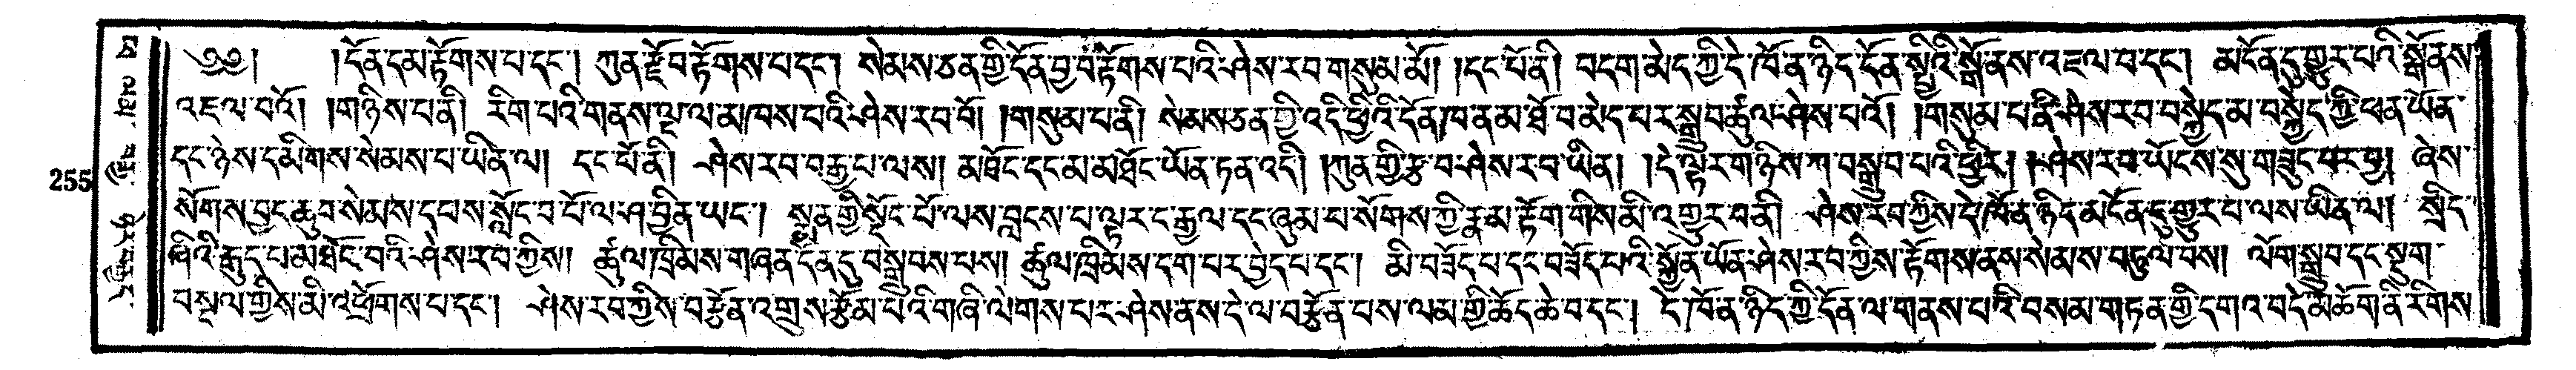༄༅། །དོན་དམ་རྟོགས་པ་དང་། ཀུན་རྫོབ་རྟོགས་པ་དང་། སེམས་ཅན་གྱི་དོན་བྱ་བ་རྟོགས་པའི་ཤེས་རབ་གསུམ་མོ། །དང་པོ་ནི། བདག་མེད་ཀྱི་དེ་ཁོ་ན་ཉིད་དོན་སྤྱིའི་སྒོ་ནས་འཇལ་བ་དང་། མངོན་དུ་གྱུར་པའི་སྒོ་ནས་
འཇལ་བའོ། །གཉིས་པ་ནི། རིག་པའི་གནས་ལྔ་ལ་མཁས་པའི་ཤེས་རབ་བོ། །གསུམ་པ་ནི། སེམས་ཅན་གྱི་འདི་ཕྱིའི་དོན་ཁ་ན་མ་ཐོ་བ་མེད་པར་སྒྲུབ་ཚུལ་ཤེས་པའོ། །གསུམ་པ་ནི་ཤེས་རབ་བསྐྱེད་མ་བསྐྱེད་ཀྱི་ཕན་ཡོན་
དང་ཉེས་དམིགས་སེམས་པ་ཡིན་ལ། དང་པོ་ནི། ཤེས་རབ་བརྒྱ་པ་ལས། མཐོང་དང་མ་མཐོང་ཡོན་ཏན་འདི། །ཀུན་གྱི་རྩ་བ་ཤེས་རབ་ཡིན། །དེ་ལྟར་གཉིས་ཀ་བསྒྲུབ་པའི་ཕྱིར། །ཤེས་རབ་ཡོངས་སུ་གཟུང་བར་བྱ། ཞེས་
སོགས་བྱང་ཆུབ་སེམས་དཔས་སློང་བ་པོ་ལ་ཤ་བྱིན་ཡང་། སྨན་གྱི་སྡོང་བོ་ལས་བླངས་པ་ལྟར་ང་རྒྱལ་དང་ཞུམ་པ་སོགས་ཀྱི་རྣམ་རྟོག་གིས་མི་འགྱུར་བ་ནི། ཤེས་རབ་ཀྱིས་དེ་ཁོ་ན་ཉིད་མངོན་དུ་གྱུར་བ་ལས་ཡིན་ལ། སྲིད་
ཞིའི་རྒུད་པ་མཐོང་བའི་ཤེས་རབ་ཀྱིས། ཚུལ་ཁྲིམས་གཞན་དོན་དུ་བསྒྲུབས་པས། ཚུལ་ཁྲིམས་དག་པར་བྱེད་པ་དང་། མི་བཟོད་པ་དང་བཟོད་པའི་སྐྱོན་ཡོན་ཤེས་རབ་ཀྱིས་རྟོགས་ནས་སེམས་བཏུལ་བས། ལོག་སྒྲུབ་དང་སྡུག་
བསྔལ་གྱིས་མི་འཕྲོགས་པ་དང་། ཤེས་རབ་ཀྱིས་བརྩོན་འགྲུས་རྩོམ་པའི་གཞི་ལེགས་པར་ཤེས་ནས་དེ་ལ་བརྩོན་པས་ལམ་གྱི་ཆོད་ཆེ་བ་དང་།དེ་ཁོ་ན་ཉིད་ཀྱི་དོན་ལ་གནས་པའི་བསམ་གཏན་གྱི་དགའ་བདེ་མཆོག་ནི་རིགས་